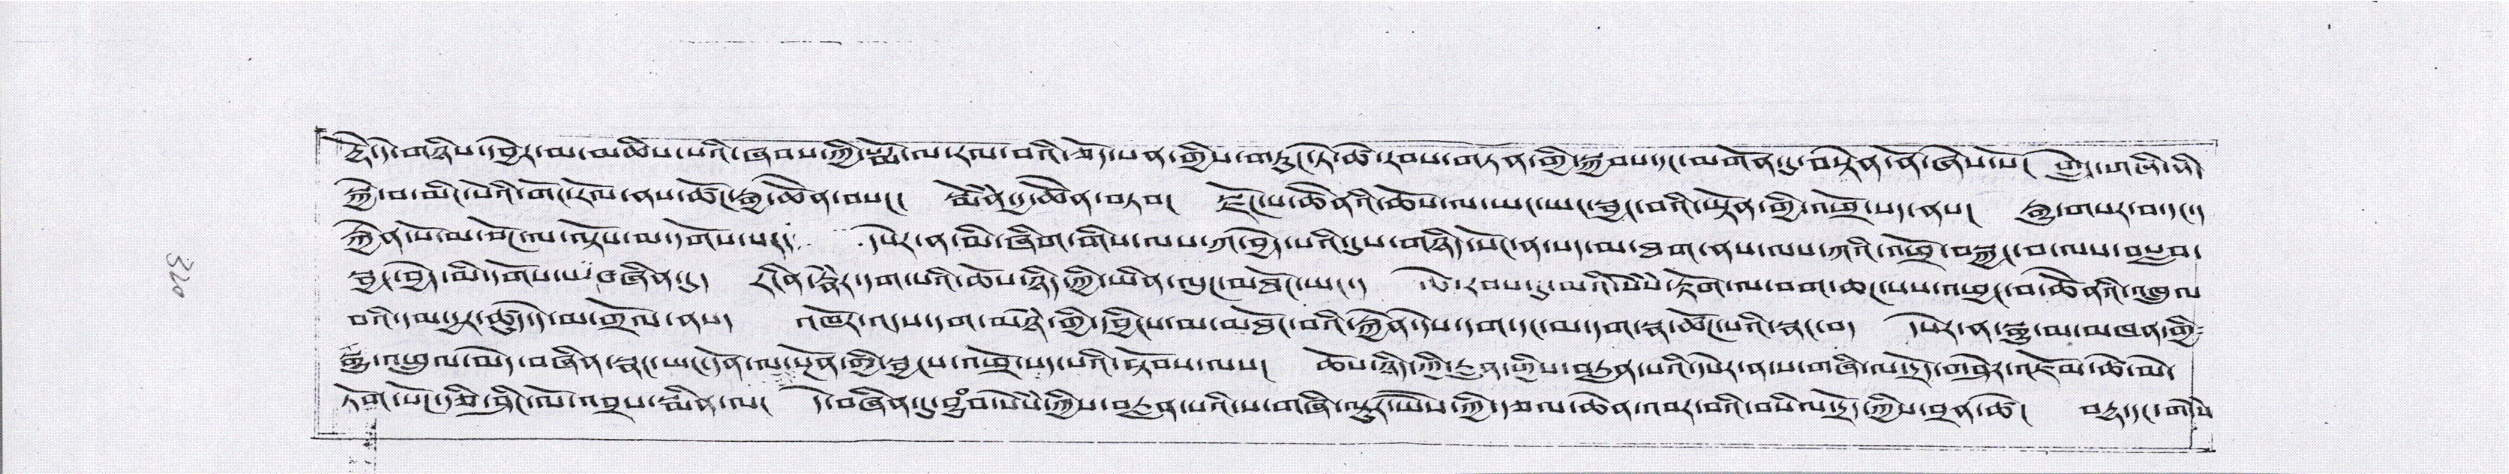རྡོ་རྗེ་དེ་གཉིས་དབྱེར་མ་མཆིས་པའི་ཞབས་ཀྱི་པདྨོ་ལ་རལ་བའི་ཅོད་པན་གྱིས་གཏུགས་ཏེ་ཚེ་རབས་གཏན་གྱི་སྐྱབས་དང་མགོན་དུ་བསྟེན་ནོ་ཞེས་སོ། གླེང་གཞི་ནི། 
སྐྱེ་བ་མིང་(མང་)པོའི་གོང་རོལ་ནས་ཚོགས་རྒྱ་ཆེན་པོ་བསགས། སྨོན་ལམ་རྒྱ་ཆེན་པོ་བཏབ། རྫོགས་པ་ཆེན་པོའི་ཆོས་ལ་ཡང་ཡང་སྦྱང་བའི་ཡོན་ཏན་གྱི་འཕྲོ་སད་ནས། རྒྱུ་གསར་བ་དང། 
རྐྱེན་སོ་མ་བོགས་ལ་ལྟོས་མ་དགོས་པར། དཔེར་ན་མི་ཞིག་གིས་ལས་ཀ་བྱེད་པའི་དུས་གཉིད་སོང་ནས་སད་མ་ཐག་ནས་ལས་ཀའི་འཕྲོ་བསྐྱང་བ་ལས་བསླབ་
སྦྱང་བྱེད་མི་དགོས་པར་བཞིན་དུ། རང་བཞིན་རྣམ་པར་དག་པའི་ཆོས་ཉིད་ཀྱི་ཡིན་ལུགས་མཐོང་ཡང། ཚེ་རབས་དུ་མའི་སེམས་རྟོག་ལ་བག་ཆགས་པས་འཕྱང་བ་ཆེན་པོའི་འཁྲུལ་
བའི་དམ་རྒྱར་ཚུད་དེ་མ་གྲོལ་ནས། འཁོར་འདས་དག་མཉམ་གྱི་དབྱིངས་མ་མཐོང་བའི་རྐྱེན་དེས་དག་དང་མ་དག་སྣ་ཚོགས་པའི་སྣང་བ། དཔེར་ན་སྒྱུ་མ་མཁན་གྱི་
སྒྱུ་འཕྲུལ་མེད་བཞིན་སྣང་ཡང་དོན་ལ་སྔོན་གྱི་སྦྱངས་འཕྲོ་སད་པའི་སྟོབས་ལས། ཆོས་ཉིད་ཀྱི་རླན་གྱིས་བརླན་པའི་དཔེར་ན་ས་གཞི་ལ་དྲོད་གཤེར་འཛོམ་ཚེ་མེ་
ཏོག་སོགས་རྩི་ཤིང་ལོ་འབྲས་སྨིན་ལ། དེ་བཞིན་དུ་བྱང་ཆུབ་སེམས་ཀྱིས་བརླན་པའི་ས་གཞི་ལྟ་བུར་ཡེ་ཤེས་ཀྱི་རྩལ་ཆེན་འབར་བའི་བསིལ་དྲོད་ཀྱིས་བྲན་ཚེ། བརྡ་དང་གདམས་